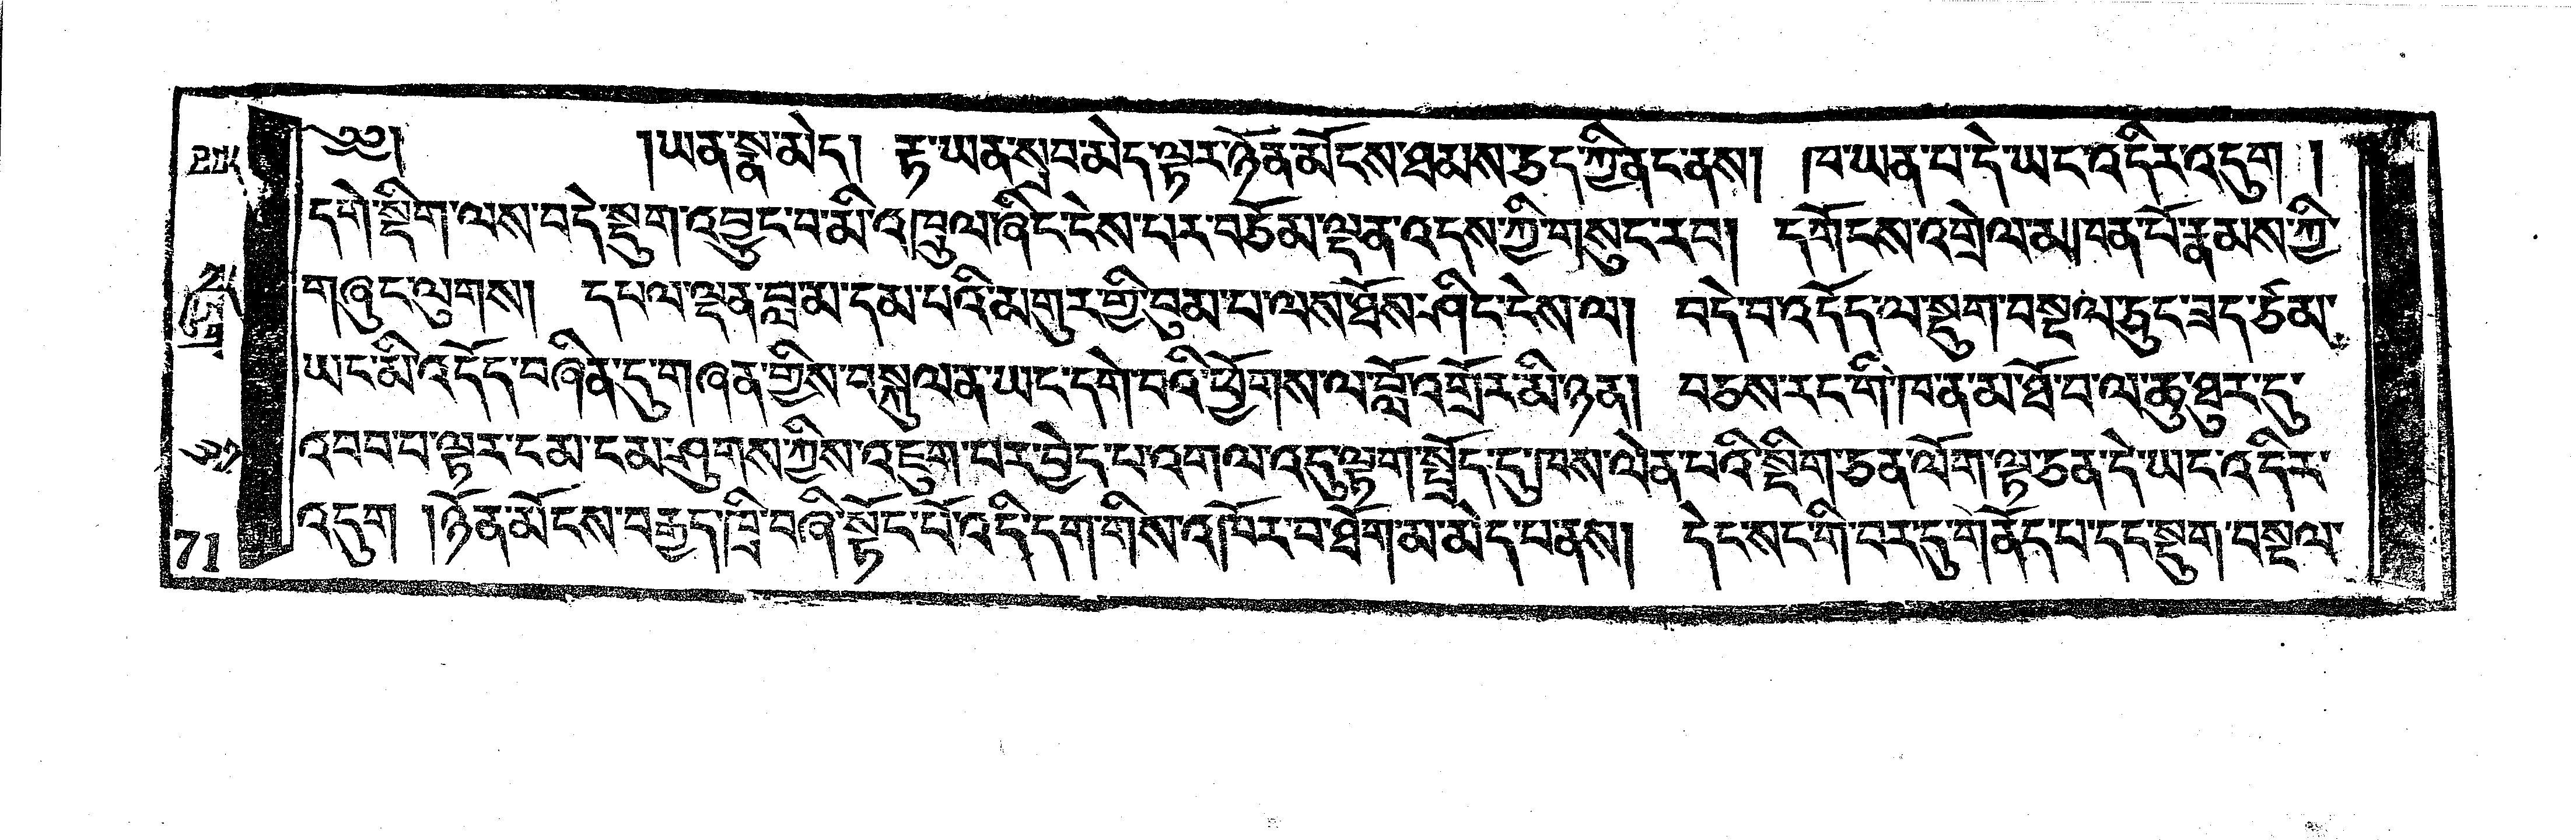༄༅། །ཡན་སྣ་མེད། རྟ་ཡན་སྲབ་མེད་ལྟར་ཉོན་མོངས་ཐམས་ཅད་ཀྱི་ནང་ནས། ཁ་ཡན་པ་དེ་ཡང་འདིར་འདུག །
དགེ་སྡིག་ལས་བདེ་སྡུག་འབྱུང་བ་མི་འཁྲུལ་ཞིང་ངེས་པར་བཅོམ་ལྡན་འདས་ཀྱི་གསུང་རབ། དགོངས་འགྲེལ་མཁན་པོ་རྣམས་ཀྱི་
གཞུང་ལུགས། དཔལ་ལྡན་བླ་མ་དམ་པའི་མགུར་གྱི་བུམ་པ་ལས་ཐོས་ཤིང་ངེས་ལ། བདེ་བ་འདོད་ལ་སྡུག་བསྔལ་ཅུང་ཟད་ཙམ་
ཡང་མི་འདོད་བཞིན་དུ་གཞན་གྱིས་བསྐུལ་ན་ཡང་དགེ་བའི་ཕྱོགས་ལ་བློ་འགྲོར་མི་ཉན། བཅས་རང་གི་ཁ་ན་མ་ཐོ་བ་ལ་ཆུ་ཐུར་དུ་
འབབ་པ་ལྟར་ངམ་ངམ་ཤུགས་ཀྱིས་འཇུག་པར་བྱེད་པ་འགལ་འདུ་ལྟག་སྤྲོད་དུ་ཁས་ལེན་པའི་སྡིག་ཅན་ལོག་ལྟ་ཅན་དེ་ཡང་འདིར་
འདུག །ཉོན་མོངས་བརྒྱད་ཁྲི་བཞི་སྟོང་པོ་འདི་དག་གིས་འཁོར་བ་ཐོག་མ་མེད་པ་ནས། དེང་སང་གི་བར་དུ་གནོད་པ་དང་སྡུག་བསྔལ་